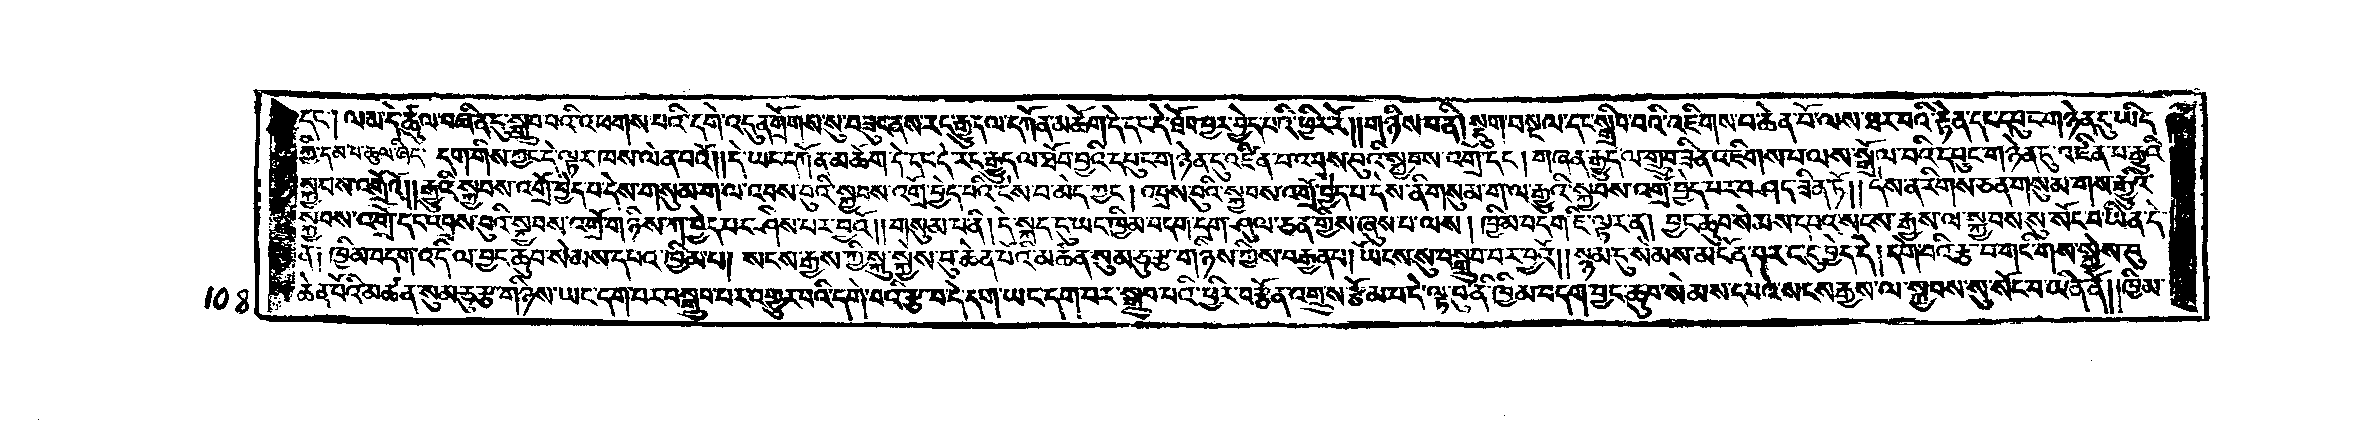དང༑ ལམ་དེ་ཚུལ་བཞིན་དུ་སྒྲུབ་པའི་འཕགས་པའི་དགེ་འདུན་གྲོགས་སུ་བཟུང་ནས་རང་རྒྱུད་ལ་དཀོན་མཆོག་དེ་དང་དེ་ཐོབ་བྱར་བྱེད་པའི་ཕྱིར་རོ། །གཉིས་པ་ནི། སྡུག་བསྔལ་དང་སྒྲིབ་པའི་འཇིགས་པ་ཆེན་པོ་ལས་ཐར་པའི་རྟེན་དང་དཔུང་གཉེན་དུ་ཡིད་
ཀྱི་དམ་པ་ཚུལ་ཞིང་དག་གིས་ཀྱང་དེ་ལྟར་ཁས་ལེན་པའོ། །དེ་ཡང་དཀོན་མཆོག་དེ་དང་དེ་རང་རྒྱུད་ལ་ཐོབ་བྱའི་དཔུང་གཉེན་དུ་འཛིན་པ་འབྲས་བུའི་སྐྱབས་འགྲོ་དང་། གཞན་རྒྱུད་ལ་གྲུབ་ཟིན་འཇིགས་པ་ལས་སྒྲོལ་བའི་དཔུང་གཉེན་དུ་འཛིན་པ་རྒྱུའི་
སྐྱབས་འགྲོའོ། །རྒྱུའི་སྐྱབས་འགྲོ་བྱེད་པ་དེས་གསུམ་ག་ལ་འབྲས་བུའི་སྐྱབས་འགྲོ་བྱེད་པའི་ངེས་པ་མེད་ཀྱང་། འབྲས་བུའི་སྐྱབས་འགྲོ་བྱེད་པ་དེས་ནི་གསུམ་ག་ལ་རྒྱུའི་སྐྱབས་འགྲོ་བྱེད་པར་བཤད་ཟིན་ཏོ། །དེས་ན་རིགས་ཅན་གསུམ་གས་རྒྱུའི་
སྐྱབས་འགྲོ་དང་འབྲས་བུའི་སྐྱབས་འགྲོ་གཉིས་ཀ་བྱེད་པ་ཤེས་པར་བྱའོ། །གསུམ་པ་ནི། དེ་སྐད་དུ་ཡང་ཁྱིམ་བདག་དྲག་ཤུལ་ཅན་གྱིས་ཞུས་པ་ལས། ཁྱིམ་བདག་ཇི་ལྟར་ན། བྱང་ཆུབ་སེམས་དཔའ་སངས་རྒྱས་ལ་སྐྱབས་སུ་སོང་བ་ཡིན་དེ་
ན༑ ཁྱིམ་བདག་འདི་ལ་བྱང་ཆུབ་སེམས་དཔའ་ཁྱིམ་པ། སངས་རྒྱས་ཀྱི་སྐུ་སྐྱེས་བུ་ཆེན་པོའི་མཚན་སུམ་ཅུ་རྩ་གཉིས་ཀྱིས་བརྒྱན་པ། ཡོངས་སུ་བསྒྲུབ་པར་བྱའོ། །སྙམ་དུ་སེམས་མངོན་པར་འདུ་བྱེད་དེ། དགེ་བའི་རྩ་བ་གང་གིས་སྐྱེས་བུ་
ཆེན་པོའི་མཚན་སུམ་ཅུ་རྩ་གཉིས་ཡང་དག་པར་བསྒྲུབ་པར་འགྱུར་བའི་དགེ་བའི་རྩ་བ་དེ་དག་ཡང་དག་པར་སྒྲུབ་པའི་ཕྱིར་བརྩོན་འགྲུས་རྩོམ་པ་དེ་ལྟ་བུ་ནི་ཁྱིམ་བདག་བྱང་ཆུབ་སེམས་དཔའ་སངས་རྒྱས་ལ་སྐྱབས་སུ་སོང་བ་ཡིན་ནོ། །ཁྱིམ་